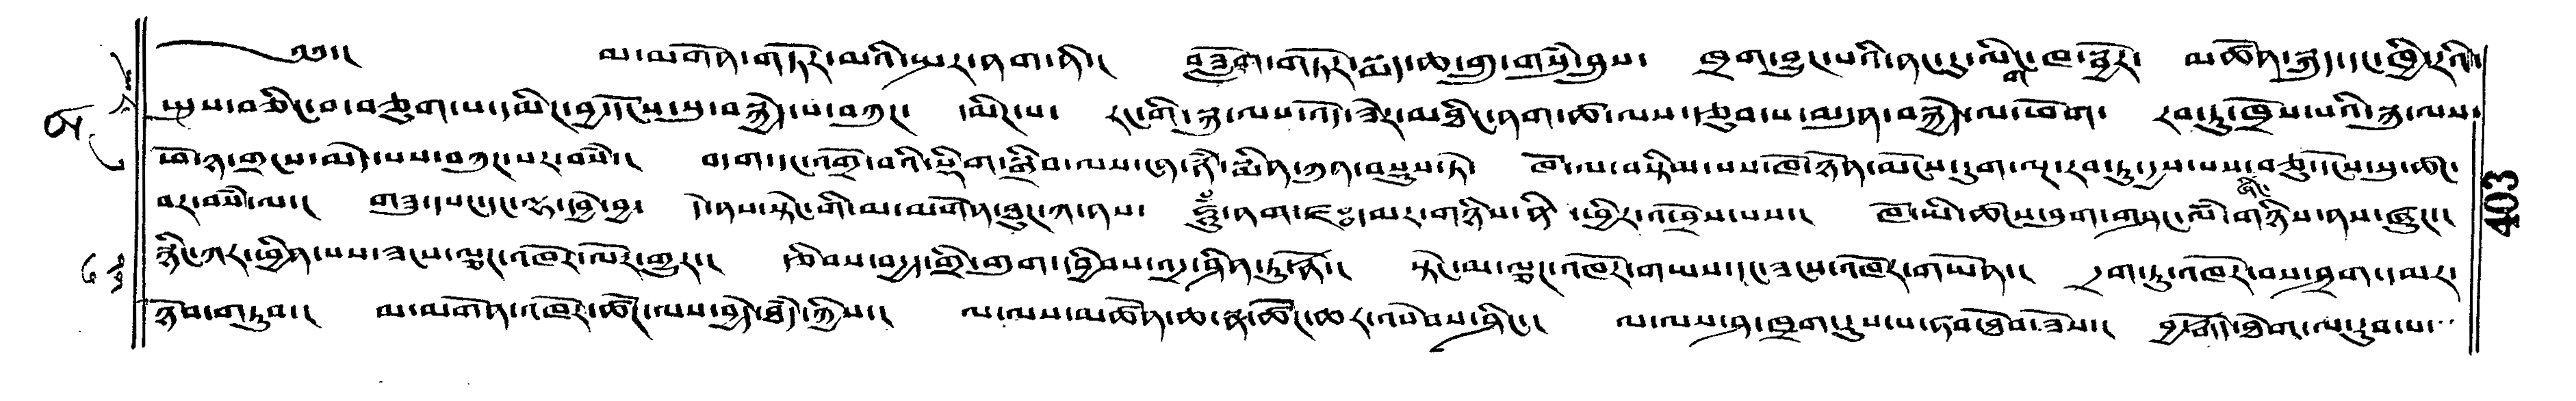༄༅། མ་མགོན་གཏོར་མའི་སྤར་ནག་ནི། བཟློག་གཏོར་སྨད་ཆ་གྲུ་གསུམ་བྲུས། ཁྲག་བྱུགས་པའི་ནང་དུ་ལིངྒ་ཁ་སྦྱོར། མཚོན་སྐུད་དང་ཁྱི་རའི་
སྤུས་བཅིངས་བ་བཅུག་པ་དམིགས་བྱ་དངོས་སུ་བསྐྱེད་པ་བཀུག དམིགས་པ། རང་གི་སྐུ་ལས་འོད་ཟེར་མཐིང་ནག་ཚ་ལ་རྩུབ་པ་མདུན་བསྐྱེད་ལ་ཕོག རབ་ཏུ་ཁྲོས་པའི་སྐུ་ལས་
ཕོ་ཉ་གྲངས་མེད་པས་བཀུག་པར་བསམ། བདག་དང་འགྲོ་བའི་སྡིག་སྒྲིབ་ལས་ངན་རྣམ་སྨིན་ཀུན་བསྡུས་ཏེ། ཁོ་ལ་བསྟིམས་པས་ཁོ་ཉོན་མོངས་དུག་ལྔ་རབ་ཏུ་རྒྱས་པས་ཞིང་བཅུ་དངོས་སུ་ཚང་
བར་བསམ་ལ། གཟུ་དཔང་དང་ལྷ་དབྱེ་བྱ། དེ་ནས་སྟེང་གི་མ་མགོན་ཐུགས་ཀ་ནས། །ཧཱུྃ་ནག་ཛཿདམར་གཉིས་ནི་ཕྱིར་འཕྲོས་པས། ཁོ་ཡི་ཚངས་བུག་བཤང་ལམ་གཉིས་ནས་ཞུགས། 
སྙིང་ཀར་ཕྱིན་པས་ཟངས་ལྕགས་འཁོར་ལོར་གྱུར། །རྩིབས་བརྒྱད་གྲི་གུག་དབྱིབས་འདྲ་ཤིན་ཏུ་རྣོ། །སྟེང་མ་ལྕགས་འཁོར་གཡས་དང་ཟངས་འཁོར་གཡོན། །དྲག་ཏུ་འཁོར་བས་ཤ་ཁྲག་དམར་
ཉོག་གཏུབ། །མ་མགོན་འཁོར་ཚོགས་ལས་བྱེད་ཐམས་ཅད་ཀྱིས། །ལ་ལས་མཚོན་ཆ་སྣ་ཚོགས་ཆར་འབེབས་ཤིང། །ལ་ལས་ཤ་ཁྲག་རུས་པ་ཧབ་ཐོབ་ཟོས། །བྱ་རྒོད་ཤོག་ལ་རུབ་པ་